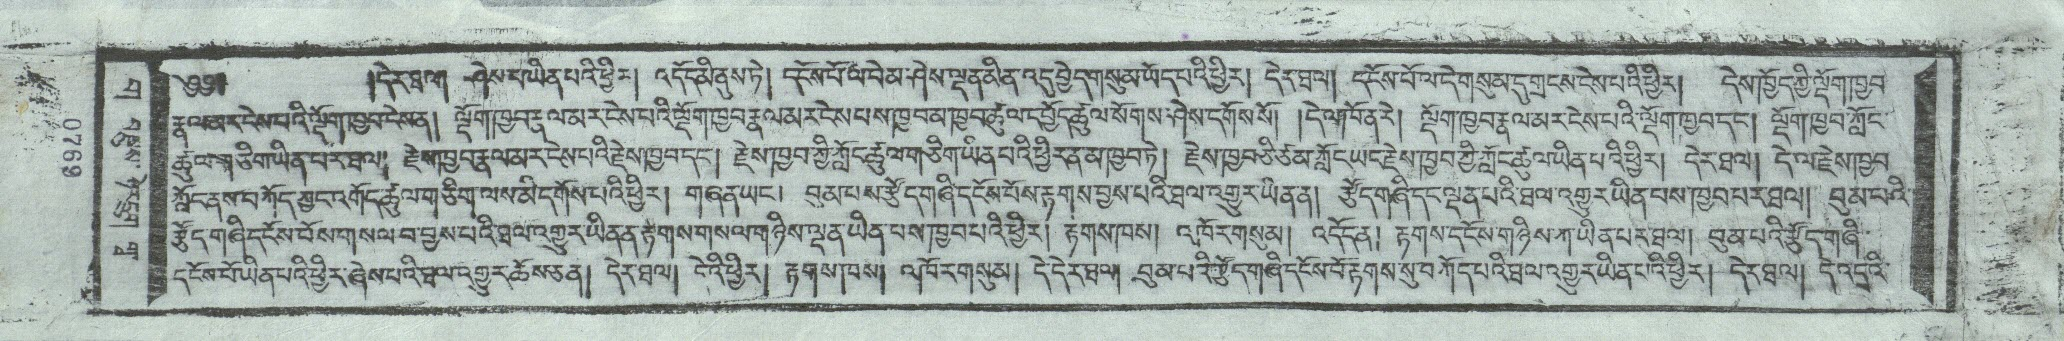༄༅། །དེར་ཐལ། ཤེས་པ་ཡིན་པའི་ཕྱིར། འདོད་མི་ནུས་ཏེ། དངོས་པོ་ལ་བེམ་ཤེས་ལྡན་མིན་འདུ་བྱེད་གསུམ་ཡོད་པའི་ཕྱིར། དེར་ཐལ། དངོས་པོ་ལ་དེ་གསུམ་དུ་གྲངས་ངེས་པའི་ཕྱིར། དེས་ཁྱོད་ཀྱི་ལྡོག་ཁྱབ་
རྣལ་མར་ངེས་པའི་ལྡོག་ཁྱབ་ངེས་ན། ལྡོག་ཁྱབ་རྣལ་མར་ངེས་པས་ཁྱབ་མ་ཁྱབ་ཚུལ་དཔྱོད་ཚུལ་སོགས་ཤེས་དོགས་སོ། །དེ་ལ་ཁོ་ན་རེ། ལྡོག་ཁྱབ་རྣལ་མར་ངེས་པའི་ལྡོག་ཁྱབ་དང་། ལྡོག་ཁྱབ་ཀློང་
ཚུལ་གཅིག་ཡིན་པར་ཐལ། རྗེས་ཁྱབ་རྣལ་མར་ངེས་པའི་རྗེས་ཁྱབ་དང་། རྗེས་ཁྱབ་ཀྱི་ཀློང་ཚུལ་གཅིག་ཡིན་པའི་ཕྱིར་ན་མ་ཁྱབ་ཏེ། རེས་ཁྱབ་ཅི་ཙམ་ཀློང་ཡང་རྗེས་ཁྱབ་ཀྱི་ཀློང་ཚུལ་ཡིན་པའི་ཕྱིར། དེར་ཐལ། དེ་ལ་རྗེས་ཁྱབ་
ཀློང་ནས་བཀོད་ཀྱང་འགོད་ཚུལ་གཅིག་ལས་མི་དགོས་པའི་ཕྱིར། གཞན་ཡང་། བུམ་པས་རྩོད་གཞི་དངོས་པོས་རྟགས་བྱས་པའི་ཐལ་འགྱུར་ཡིན་ན། རྩོད་གཞི་དང་ལྡན་པའི་ཐལ་འགྱུར་ཡིན་པས་ཁྱབ་པར་ཐལ། བུམ་པའི་
རྩོད་གཞི་དངོས་པོས་གསལ་བ་བྱས་པའི་ཐལ་འགྱུར་ཡིན་ན་རྟགས་གསལ་གཉིས་ལྡན་ཡིན་པས་ཁྱབ་པའི་ཕྱིར། རྟགས་ཁས། འཁོར་གསུམ། འདོད་ན། རྟགས་དངོས་གཉིས་ཀ་ཡིན་པར་ཐལ། བུམ་པའི་རྩོད་གཞི་
དངོས་པོ་ཡིན་པའི་ཕྱིར་ཞེས་པའི་ཐལ་འགྱུར་ཆོས་ཅན། དེར་ཐལ། དེའི་ཕྱིར། རྟགས་ཁས། འཁོར་གསུམ། དེ་དེར་ཐལ། བུམ་པའི་རྩོད་གཞི་དངོས་པོ་རྟགས་སུ་བཀོད་པའི་ཐལ་འགྱུར་ཡིན་པའི་ཕྱིར། དེར་ཐལ། དེ་འདྲའི་